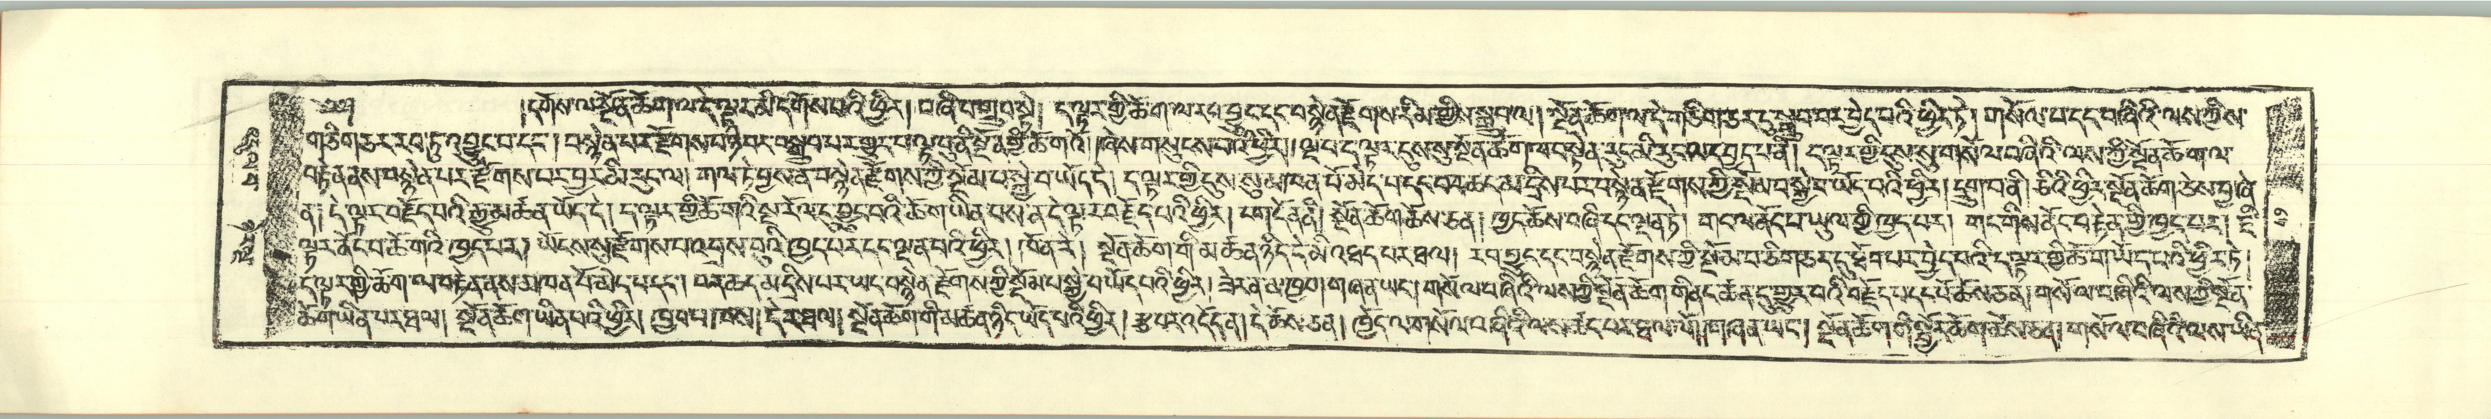༄༅། །དགོས་ལ་སྔོན་ཆོག་ལ་དེ་ལྟར་མི་དགོས་པའི་ཕྱིར། བཞི་པ་གྲུབ་སྟེ། ད་ལྟར་གྱི་ཆོ་ག་ལ་རབ་བྱུང་དང་བསྙེན་རྫོགས་རིམ་གྱིས་སྒྲུབ་ལ། སྔོན་ཆོག་ལ་དེ་གཅིག་ཅར་དུ་སྒྲུབ་པར་བྱེད་པའི་ཕྱིར་ཏེ། གསོལ་པ་དང་བཞིའི་ལས་ཀྱིས་
གཅིག་ཅར་རབ་ཏུ་འབྱུང་བ་དང་། བསྙེན་པར་རྫོགས་པ་ཉེ་བར་བསྒྲུབ་པར་གྱུར་པ་ལྟ་བུ་ནི་སྔོན་གྱི་ཆོ་གའོ། །ཞེས་གསུངས་པའི་ཕྱིར། ལྔ་པ་ད་ལྟར་དུས་སུ་སྔོན་ཆོ་ག་ལ་བསྟེན་རུང་མི་རུང་ལ་དབྱད་པ་ནི། ད་ལྟར་གྱི་དུས་སུ་གསོལ་བཞིའི་ལས་ཀྱི་སྔོན་ཆོ་ག་ལ་
བརྟེན་ནས་བསྙེན་པར་རྫོགས་པར་བྱར་མི་རུང་ལ། གལ་ཏེ་བྱས་ན་བསྙེན་རྫོགས་ཀྱི་སྡོམ་པ་སྐྱེ་བ་ཡོད་དེ། ད་ལྟར་གྱི་དུས་སུ་མཁན་པོ་མེད་པ་དང་བར་ཆད་མ་དྲིས་པར་བསྙེན་རྫོགས་ཀྱི་སྡོམ་པ་སྐྱེ་བ་ཡོད་པའི་ཕྱིར། དྲུག་པ་ནི། ཅིའི་ཕྱིར་སྔོན་ཆོག་ཅེས་བྱ་ཞེ་
ན༑ དེ་ལྟར་བརྗོད་པའི་རྒྱུ་མཚན་ཡོད་དེ། ད་ལྟར་གྱི་ཆོ་གའི་སྔ་རོལ་དུ་བྱུང་བའི་ཆོ་ག་ཡིན་པས་ན་དེ་ལྟར་བརྗོད་པའི་ཕྱིར། ངག་དོན་ནི། སྔོན་ཆོག་ཆོས་ཅན། ཁྱད་ཆོས་བཞི་དང་ལྡན་ཏེ། གང་ལ་ནོད་པ་ཡུལ་གྱི་ཁྱད་པར། གང་གིས་ནོང་བརྟེན་གྱི་ཁྱད་པར། ཇི་
ལྟར་ནོང་བ་ཆོ་གའི་ཁྱད་པར། ཡོངས་སུ་རྫོགས་པ་འབྲས་བུའི་ཁྱད་པར་དང་ལྡན་པའི་ཕྱིར། ཁོ་ན་རེ། སྔོན་ཆོག་གི་མཚན་ཉིད་དེ་མི་འཐད་པར་ཐལ། རབ་བྱུང་དང་བསྙེན་རྫོགས་ཀྱི་སྡོམ་བ་ཅིག་ཅར་དུ་ཐོབ་པར་བྱེད་པའི་ད་ལྟར་གྱི་ཆོ་ག་ཡོད་པའི་ཕྱིར་ཏེ།
ད་ལྟར་གྱི་ཆོ་ག་ལ་བརྟེན་ནས་མཁན་པོ་མེད་པ་དང་། བར་ཆད་མ་དྲིས་པར་ཡང་བསྙེན་རྫོགས་ཀྱི་སྡོམ་པ་སྐྱེ་བ་ཡོད་པའི་ཕྱིར། ཟེར་ན་མ་ཁྱབ། གཞན་ཡང་། གསོལ་བཞིའི་ལས་ཀྱི་སྔོན་ཆོག་གི་ནང་ཚན་དུ་གྱུར་བའི་བརྗོད་པ་དང་པོ་ཆོས་ཅན། གསོལ་བཞིའི་ལས་ཀྱི་སྔོན་
ཆོ་ག་ཡིན་པར་ཐལ། སྔོན་ཆོག་ཡིན་པའི་ཕྱིར། ཁྱབ་པ་ཁས། དེར་ཐལ། སྔོན་ཆོག་གི་མཚན་ཉིད་ཡོད་པའི་ཕྱིར། རྩ་བར་འདོད་ན། དེ་ཆོས་ཅན། ཁྱོད་ལ་གསོལ་བཞིའི་ལས་ཚང་བར་ཐལ་ལོ། །གཞན་ཡང་། སྔོན་ཆོག་གི་སྦྱོར་ཆོག་ཚེས་ཅན། གསོལ་བཞིའི་ལས་ཡིན་ཨ་བའ་